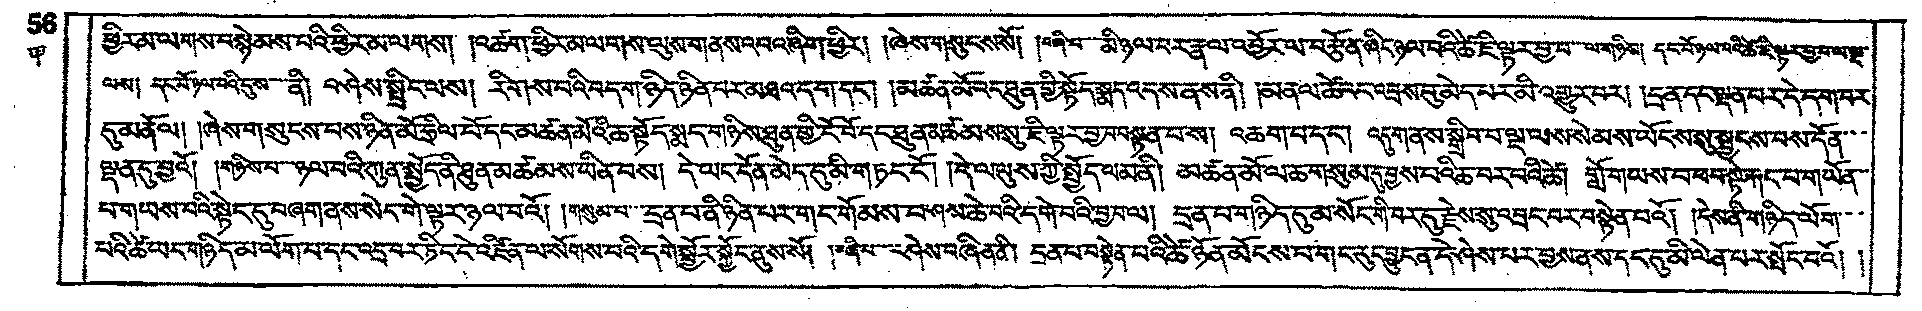ཕྱིར་མ་ལགས་བསྙེམས་པའི་ཕྱིར་མ་ལགས། །འཚག་ཕྱིར་མ་ལགས་ལུས་གནས་འབའ་ཞིག་ཕྱིར། །ཞེས་གསུངས་སོ། ། བཞི་པམི་ཉལ་བར་རྣལ་འབྱོར་ལ་བརྩོན་ཞིང་ཉལ་བའི་ཚེ་ཇི་ལྟར་བྱ་བལ་གཉིས། དང་པོ་ཉལ་བའི་ཚེ་ཇི་ལྟར་བྱ་བ་ལ་ལྔ་
ལས། དང་པོ་ཉལ་བའི་དུསྣི། བཤེས་སྤྲིང་ལས། རིགས་པའི་བདག་ཉིད་ཉིན་པར་མཐའ་དག་དང་། །མཚན་མོའང་ཐུན་གྱི་སྟོད་སྨད་འདས་ནས་ནི། །མནལ་ཚེའང་འབྲས་བུ་མེད་པར་མི་འགྱུར་པར། །དྲན་དང་ལྡན་པར་དེ་དག་བར་
དུ་མནོལ། །ཞེས་གསུངས་པས་ཉིན་མོ་ཧྲིལ་པོ་དང་མཚན་མོའི་ཆ་སྟོད་སྨད་གཉིས་ཐུན་གྱི་ངོ་བོ་དང་ཐུན་མཚམས་སུ་ཇི་ལྟར་བྱ་བ་བསྟན་པས། འཆག་པ་དང་། འདུག་ནས་སྒྲིབ་པ་ལྔ་ལས་སེམས་ཡོངས་སུ་སྦྱངས་བས་དོན་
ལྡན་དུ་བྱའོ། ། གཉིས་པཉལ་བའི་ཀུན་སྤྱོད་ནི་ཐུན་མཚམས་ཡིན་པས། དེ་ཡང་དོན་མེད་དུ་མི་གཏང་ངོ། །དེ་ལ་ལུས་ཀྱི་སྤྱོད་ལམ་ནི། མཚན་མོ་ལ་ཆ་གསུམ་དུ་བྱས་པའི་ཆ་བར་པའི་ཚེ། གློ་གཡས་པ་ཕབ་སྟེ་རྐང་པ་གཡོན་
པ་གཡས་པའི་སྟེང་དུ་བཞག་ནས་སེང་གེ་ལྟར་ཉལ་བའོ། ། གསུམ་པདྲན་པ་ནི་ཉིན་པར་གང་གོམས་པ་ཤས་ཆེ་བའི་དགེ་བའི་བྱ་བ་ལ། དྲན་པ་གཉིད་དུ་མ་སོང་གི་བར་དུ་རྗེས་སུ་འབྲང་བར་བསྟེན་པའོ། །དེས་ནི་གཉིད་ལོག་
པའི་ཚེ་ཡང་གཉིད་མ་ལོག་པ་དང་འདྲ་བར་ཏིང་ངེ་འཛིན་ལ་སོགས་པའི་དགེ་སྦྱོར་སྐྱོང་ནུས་སོ། ། བཞི་པཤེས་བཞིན་ནི། དྲན་པ་བསྟེན་པའི་ཚེ་ཉོན་མོངས་པ་གང་རུང་བྱུང་ན་དེ་ཤེས་པར་བྱས་ནས་དང་དུ་མི་ལེན་པར་སྤོང་བའོ། །